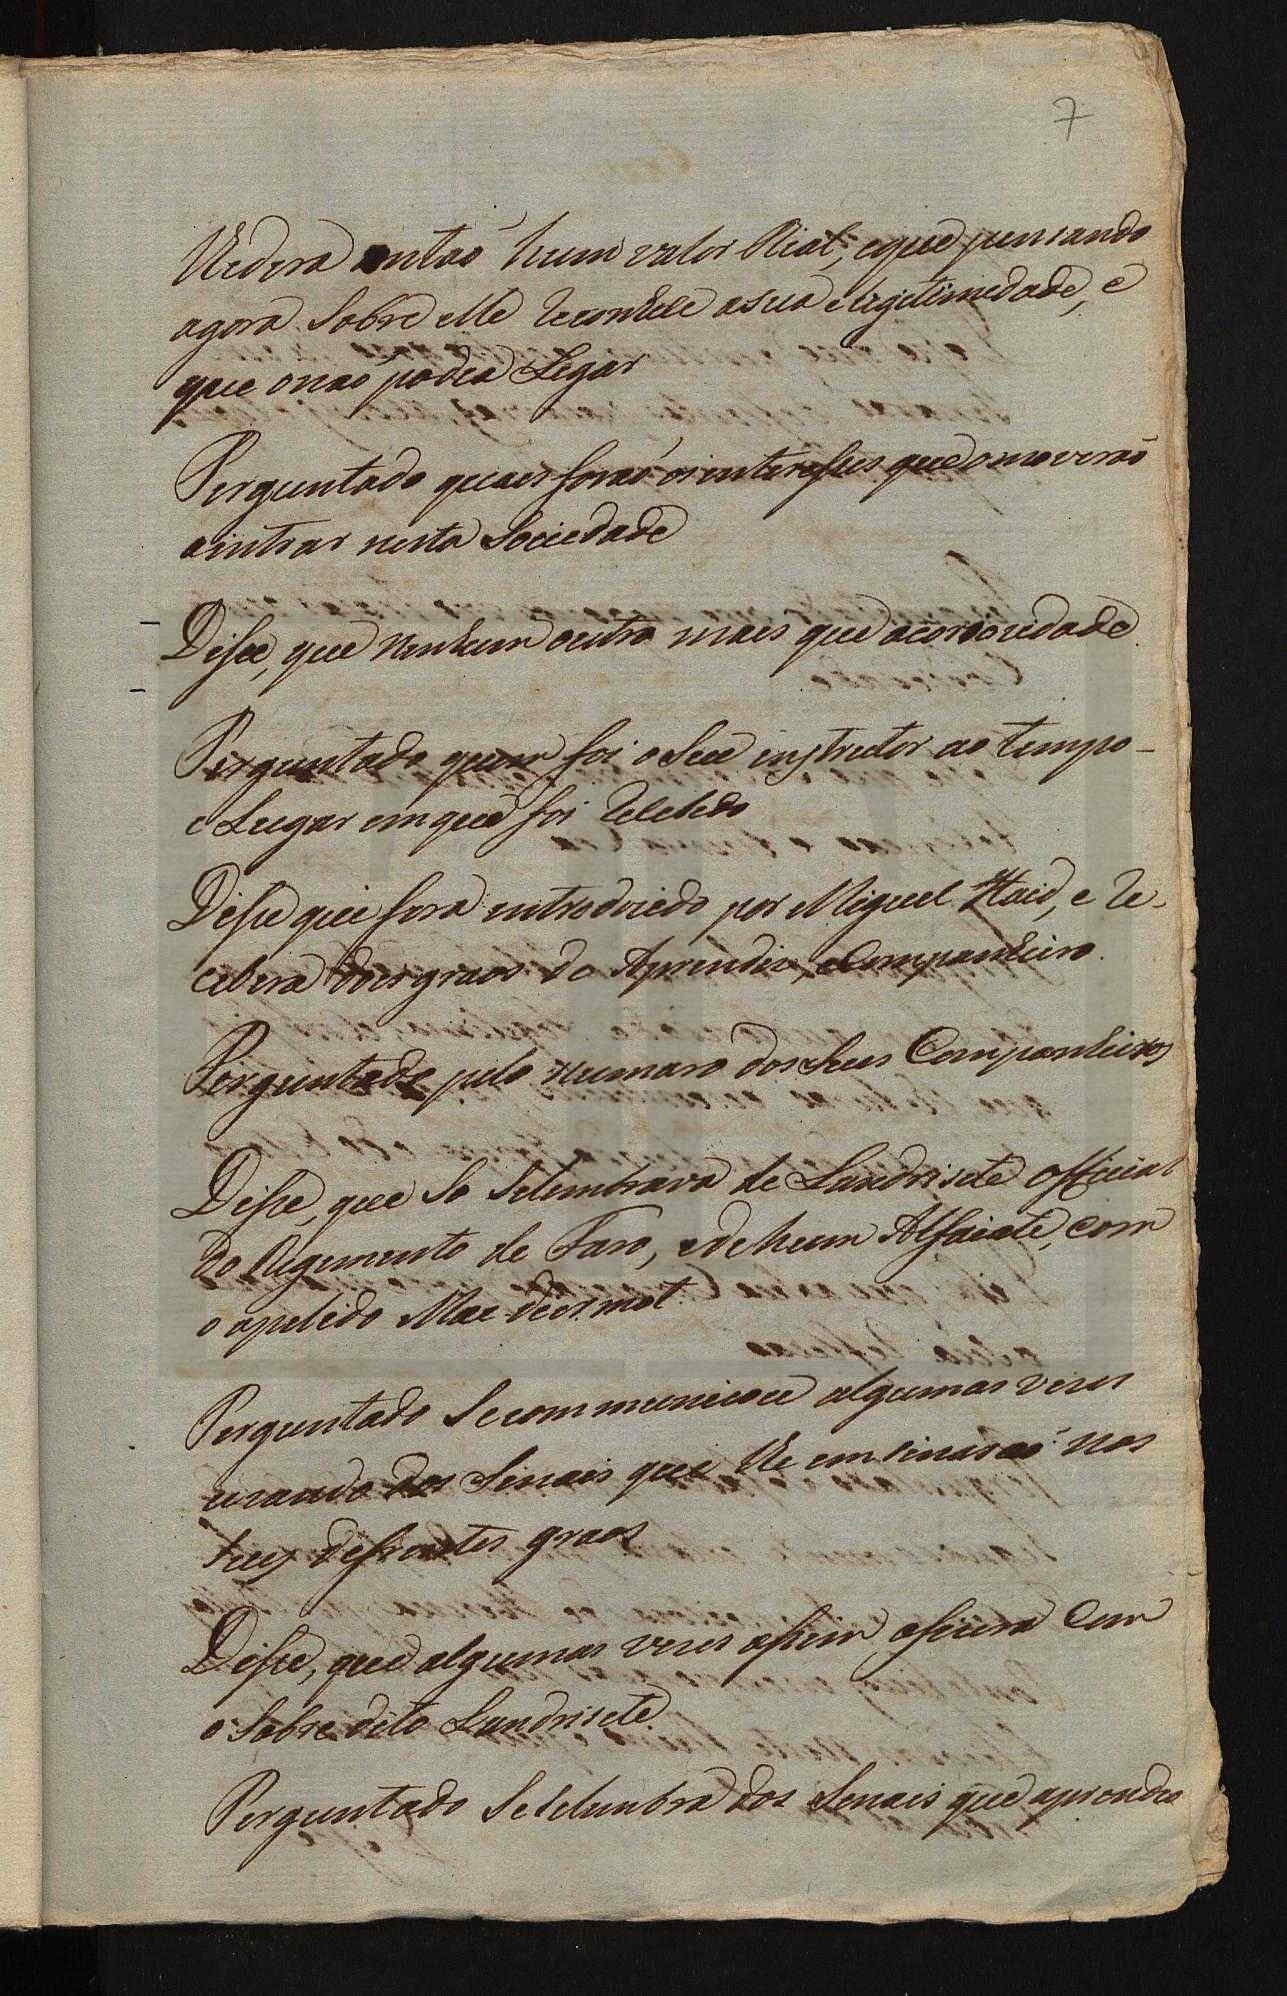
lhe dera entaõ hum valor Rial; e que pensando
agora Sobre elle Reconhece a sua eligitimidade, e
que o naõ podia Legar
Perguntado quaes foraõ os interesses que o moveraõ
a intrar nesta Sociedade
Disse, que nenhum outro mais que a coriozidade
Perguntado quem foi o seu instrutor ao tempo
e Lugar em que foi Recebedo
Disse que fora introdozido por Miguel Haid, e Re
cebera dois graos do Aprendiz, e Companheiro.
Perguntado pelo numaro dos seus Companheiros
Disse, que só se lembrava de Lundrisete official
do Regimento de Faro, e de hum Alfaiate, com
o apelido Mac diormot.
Perguntado se communicou algumas vezes
uzando dos sinais que lhe emsinaraõ nos
seus defrentes graos
Disse, que algumas vezes assim o fizera com
o sobredito Lundrisete.
Perguntado Se se lembra dos Senais que aprendeo
